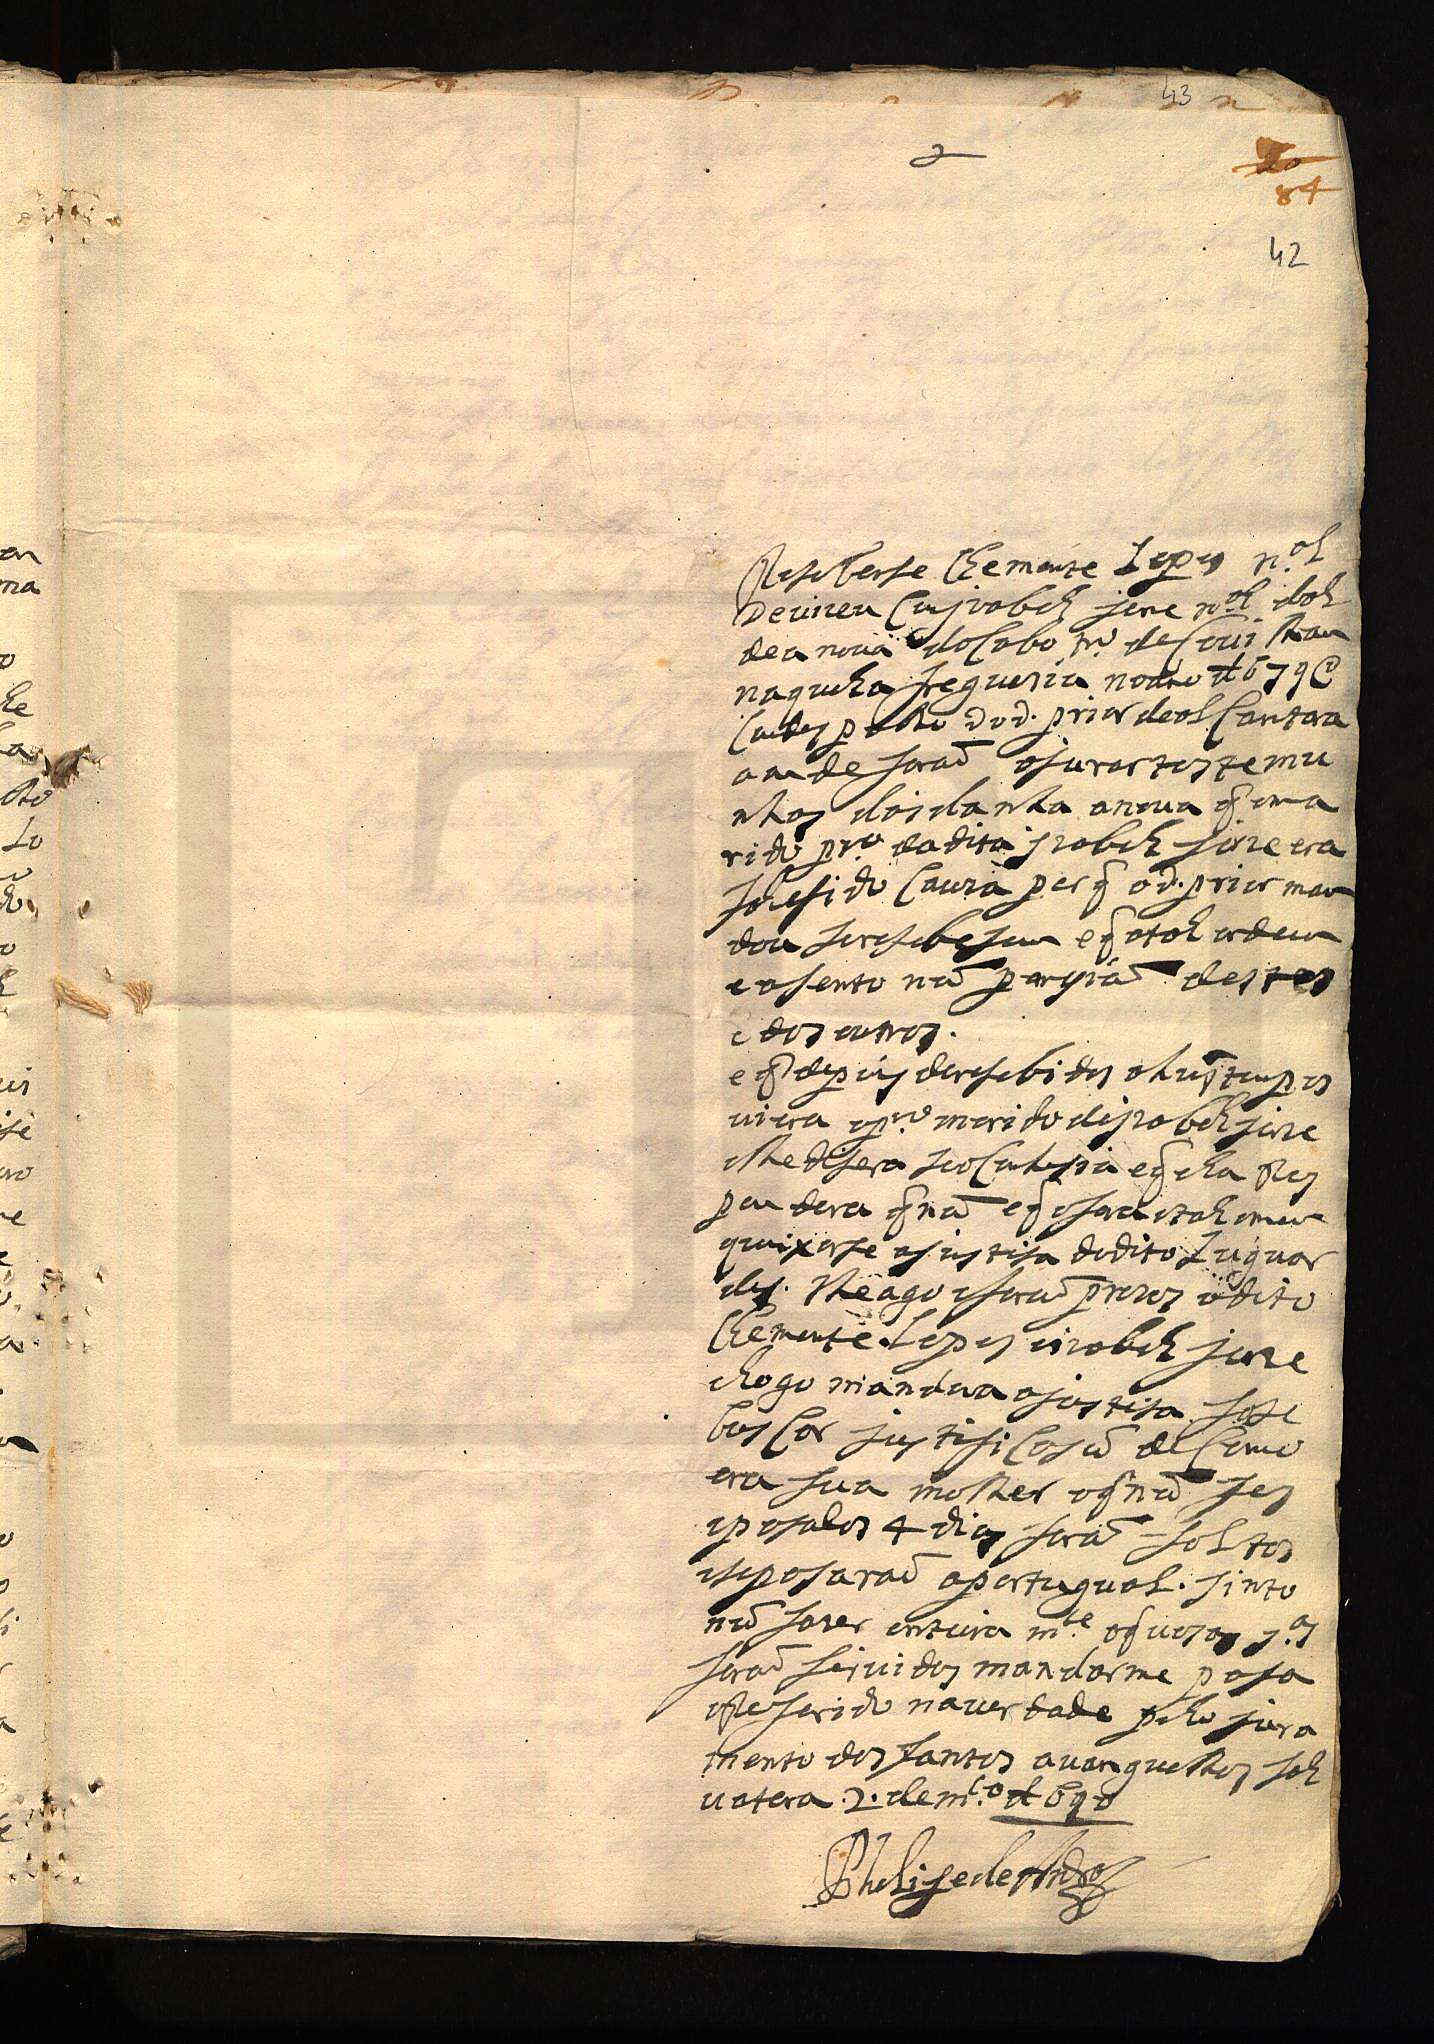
Reseberse Clemente Lopes n.aL
de uizeu Com Jzabel jorie n.al dal
dea noua do Cabo tr.o de Couilham
naquela freguesia no ano d̄ 679 e
Com despacho do d. prior de aLCantara
aonde foraõ a jurar testemu
nhas da idanha a noua q̄ o ma
rido pr.o da dita jzabel jorie era
falesido Cauza per q̄ o d. prior man
dou se resebesem e q̄ a tal ordem
e asento naõ paresiaõ destes
e dos outros.
e q̄ depois de resebidos a hus̄ tempos
uiera o pro. marido de jzabel jorie
e lhe disera se o Conhesia e q̄ ela Res
pondera q̄ naõ e q̄ o fora o tal omem
queixarse a justisa do dito Luguar
de s. Theago e foraõ prezos o dito
Clemente Lopes e izabel Jorie
e logo mandara a justisa. fose
busCar justifiCasaõ de Como
era sua molher o q̄ naõ fes
e pasados 4 dias foraõ soLtos
e se pasaraõ a portuguaL. sinto
naõ fazer enteiramte. o q̄ uosas s.as
Foraõ siruidos mandarme posa
o Referido na uerdade pelo jura
mento dos santos auanguelhos sal
uatera .2. de mco. d̄ 690
